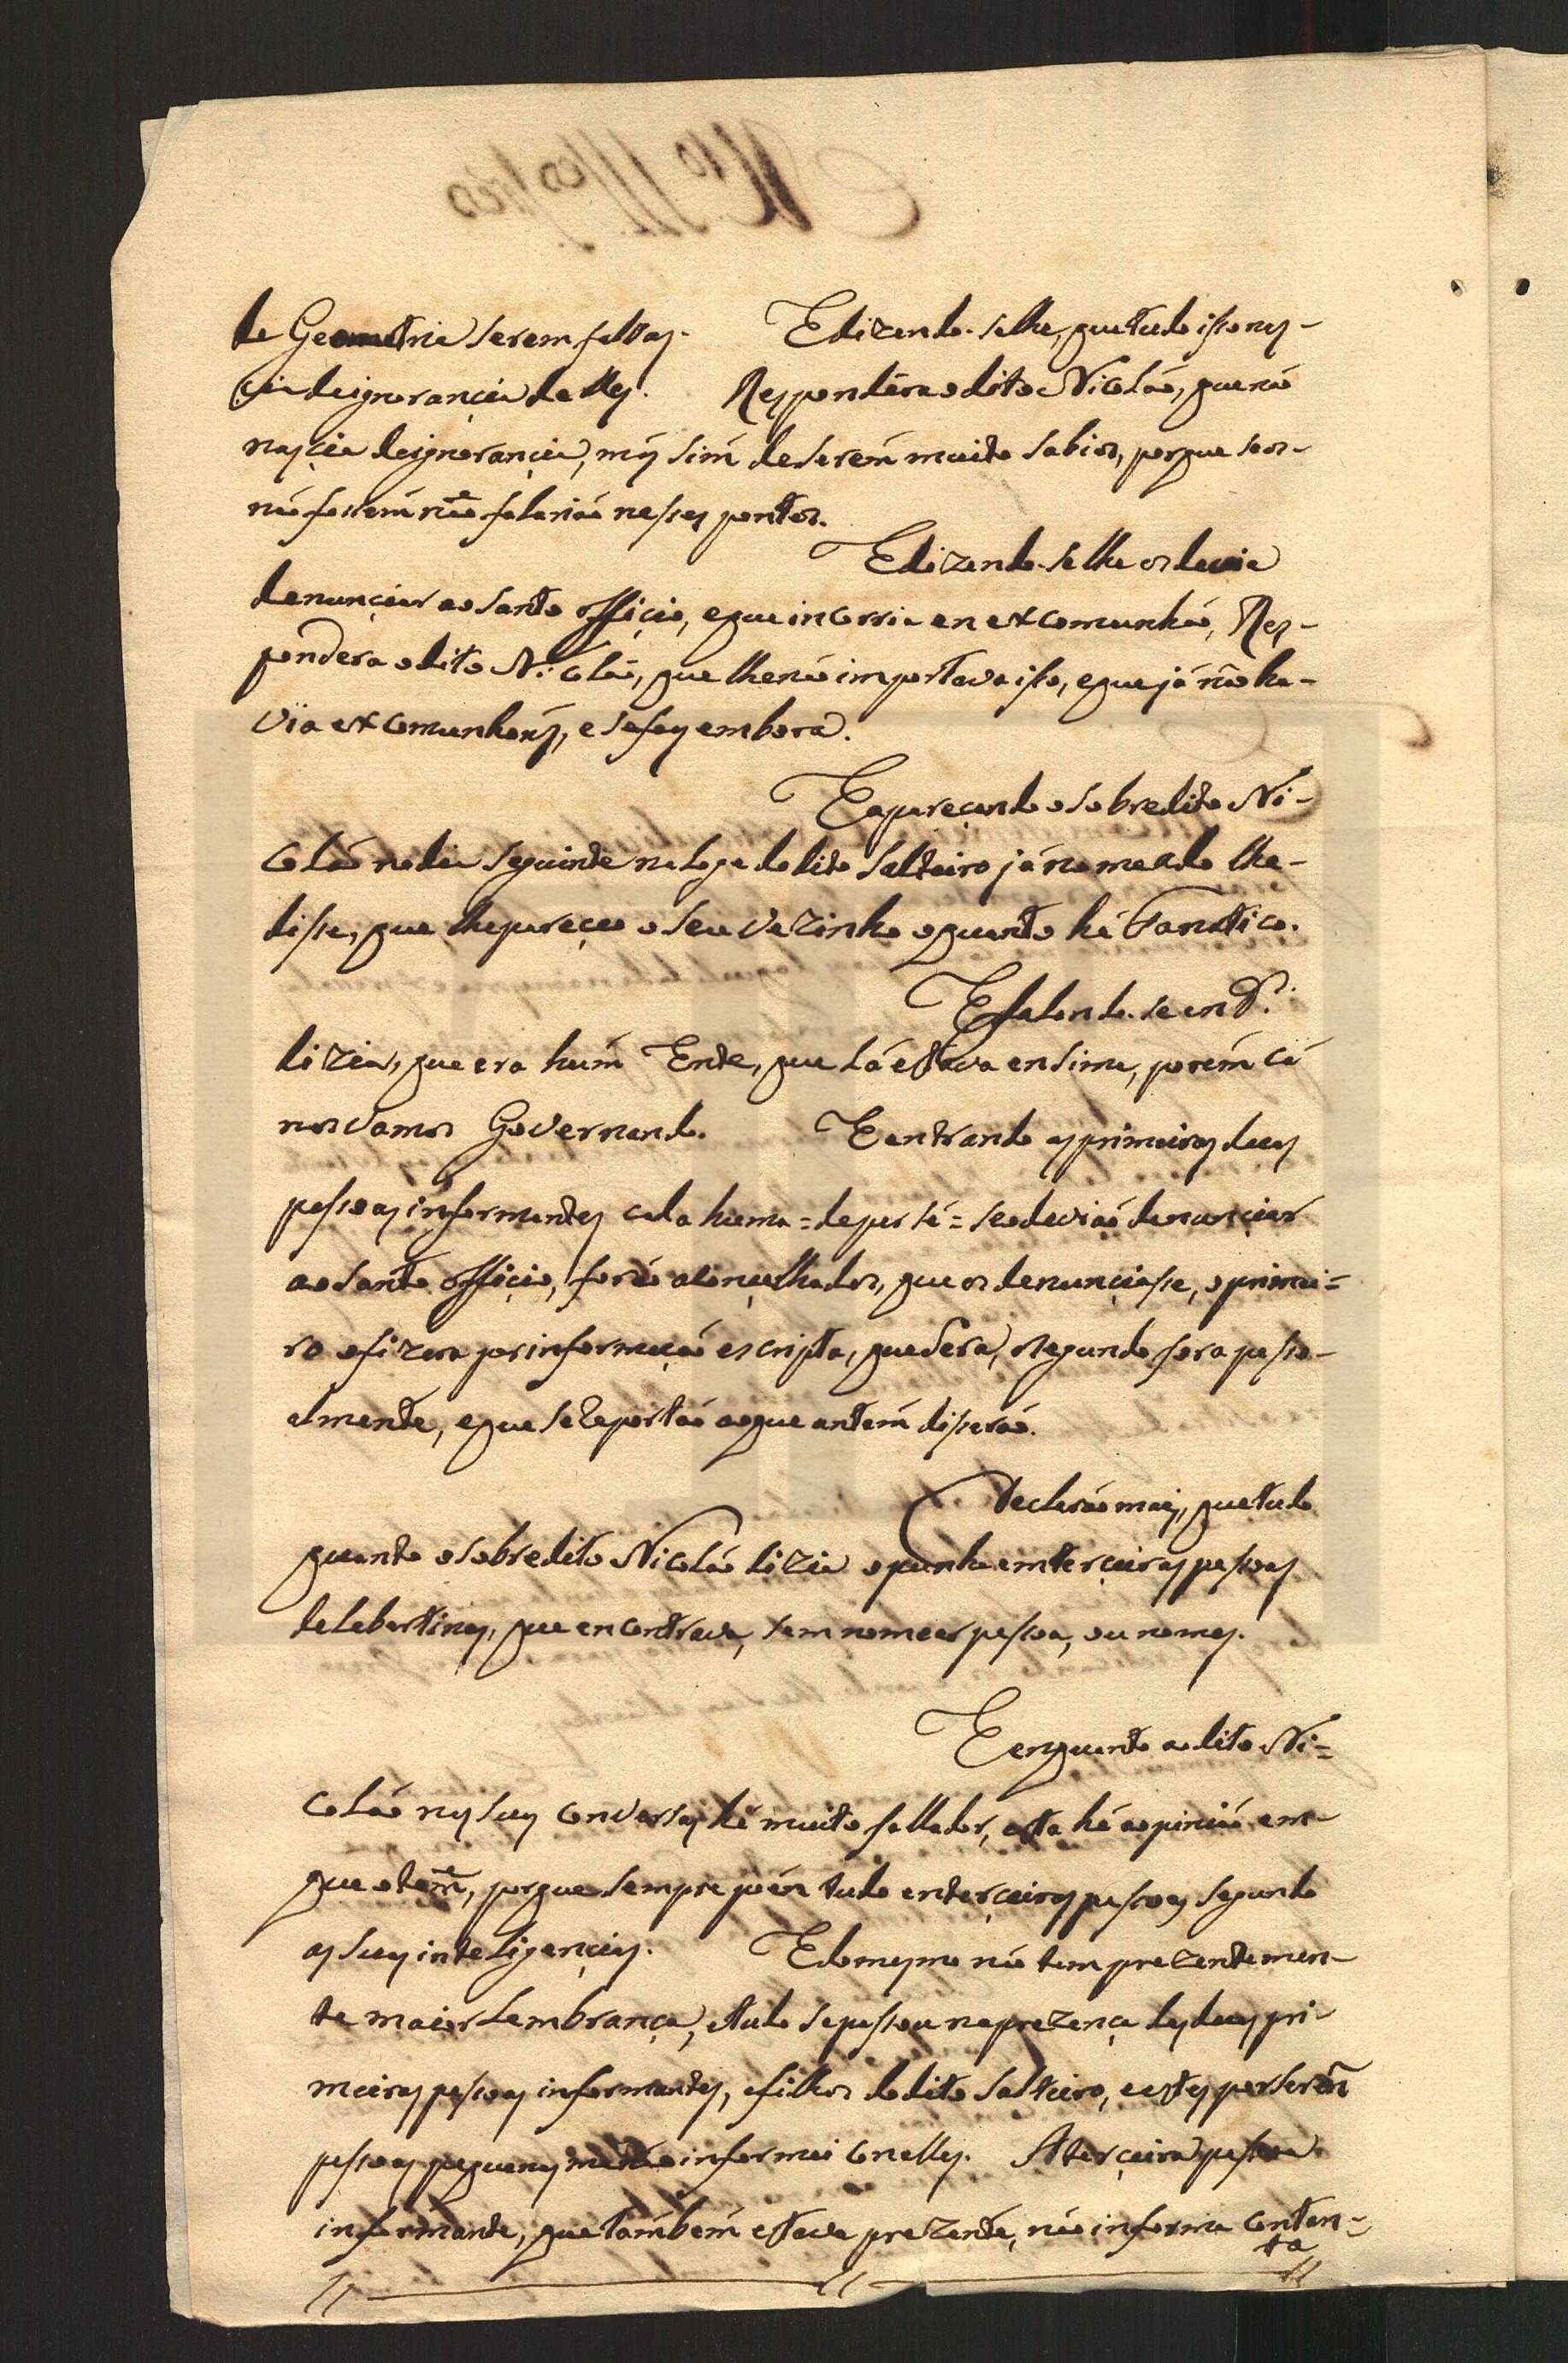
de Geometria serem falsas. E dizendo-selhe, que tudo isso nas
ceo de ignorancia delles. Respondéra o dito Nicoláo, que não
nascia de ignorancia, más sim de serem muito sabios, porque se os
naõ fossem não falariaõ nesses pontos.
E dizendo-se lhe os devia
denunciar ao Santo officio, e que incorria en excomunhaõ, Res
pondera o dito Nicoláo, que lhe naõ importava isso, e que já não ha
via excomunhon̄s, e se foy embora.
E aparecendo o sobredito Ni
CoLáo no dia seguinte na Loge do dito Salteiro já nomeado lhe
disse, que lhe pareçeo o seu vezinho o quanto hé Fanatico.
E falando-se en D.s
dizia, que era hum̄ Ente, que Lá estava ensima, porém cá
nos vamos Governando. E entrando as primeiras duas
pessoas informantes cada huma = de per sé= se o deviaõ denunciar
ao Santo officio, forão aconçelhados, que os denunciasse, o primei
ro o fizera por informaçaõ escripta, que sera, o segundo fora pesso
almente, e que se Reportaõ ao que antam disseraõ.
Declaraõ mais, que tudo
quanto o sobredito Nicoláo dizia o punha em terceiras pessoas
de lebertinas, que encontrava, sem nomear pessoa, ou nomes.
E enquanto ao dito Ni
coLáo nas suas conversas hé muito fallador, esta hé a opiniaõ em
que o tem̄, porque sempre poém tudo en terceiras pessoas segundo
as suas inteligencias.
E do mesmo não tem prezentemen
te maior Lembrança, e tudo se passou na prezença das duas pri
meiras pessoas informantes, e filhos do dito Salteiro, e estes por seren̄
pessoas pequenas me não informei con elles. A terceira pessoa
informante, que tambem estava prezente, não informa con tan
ta
